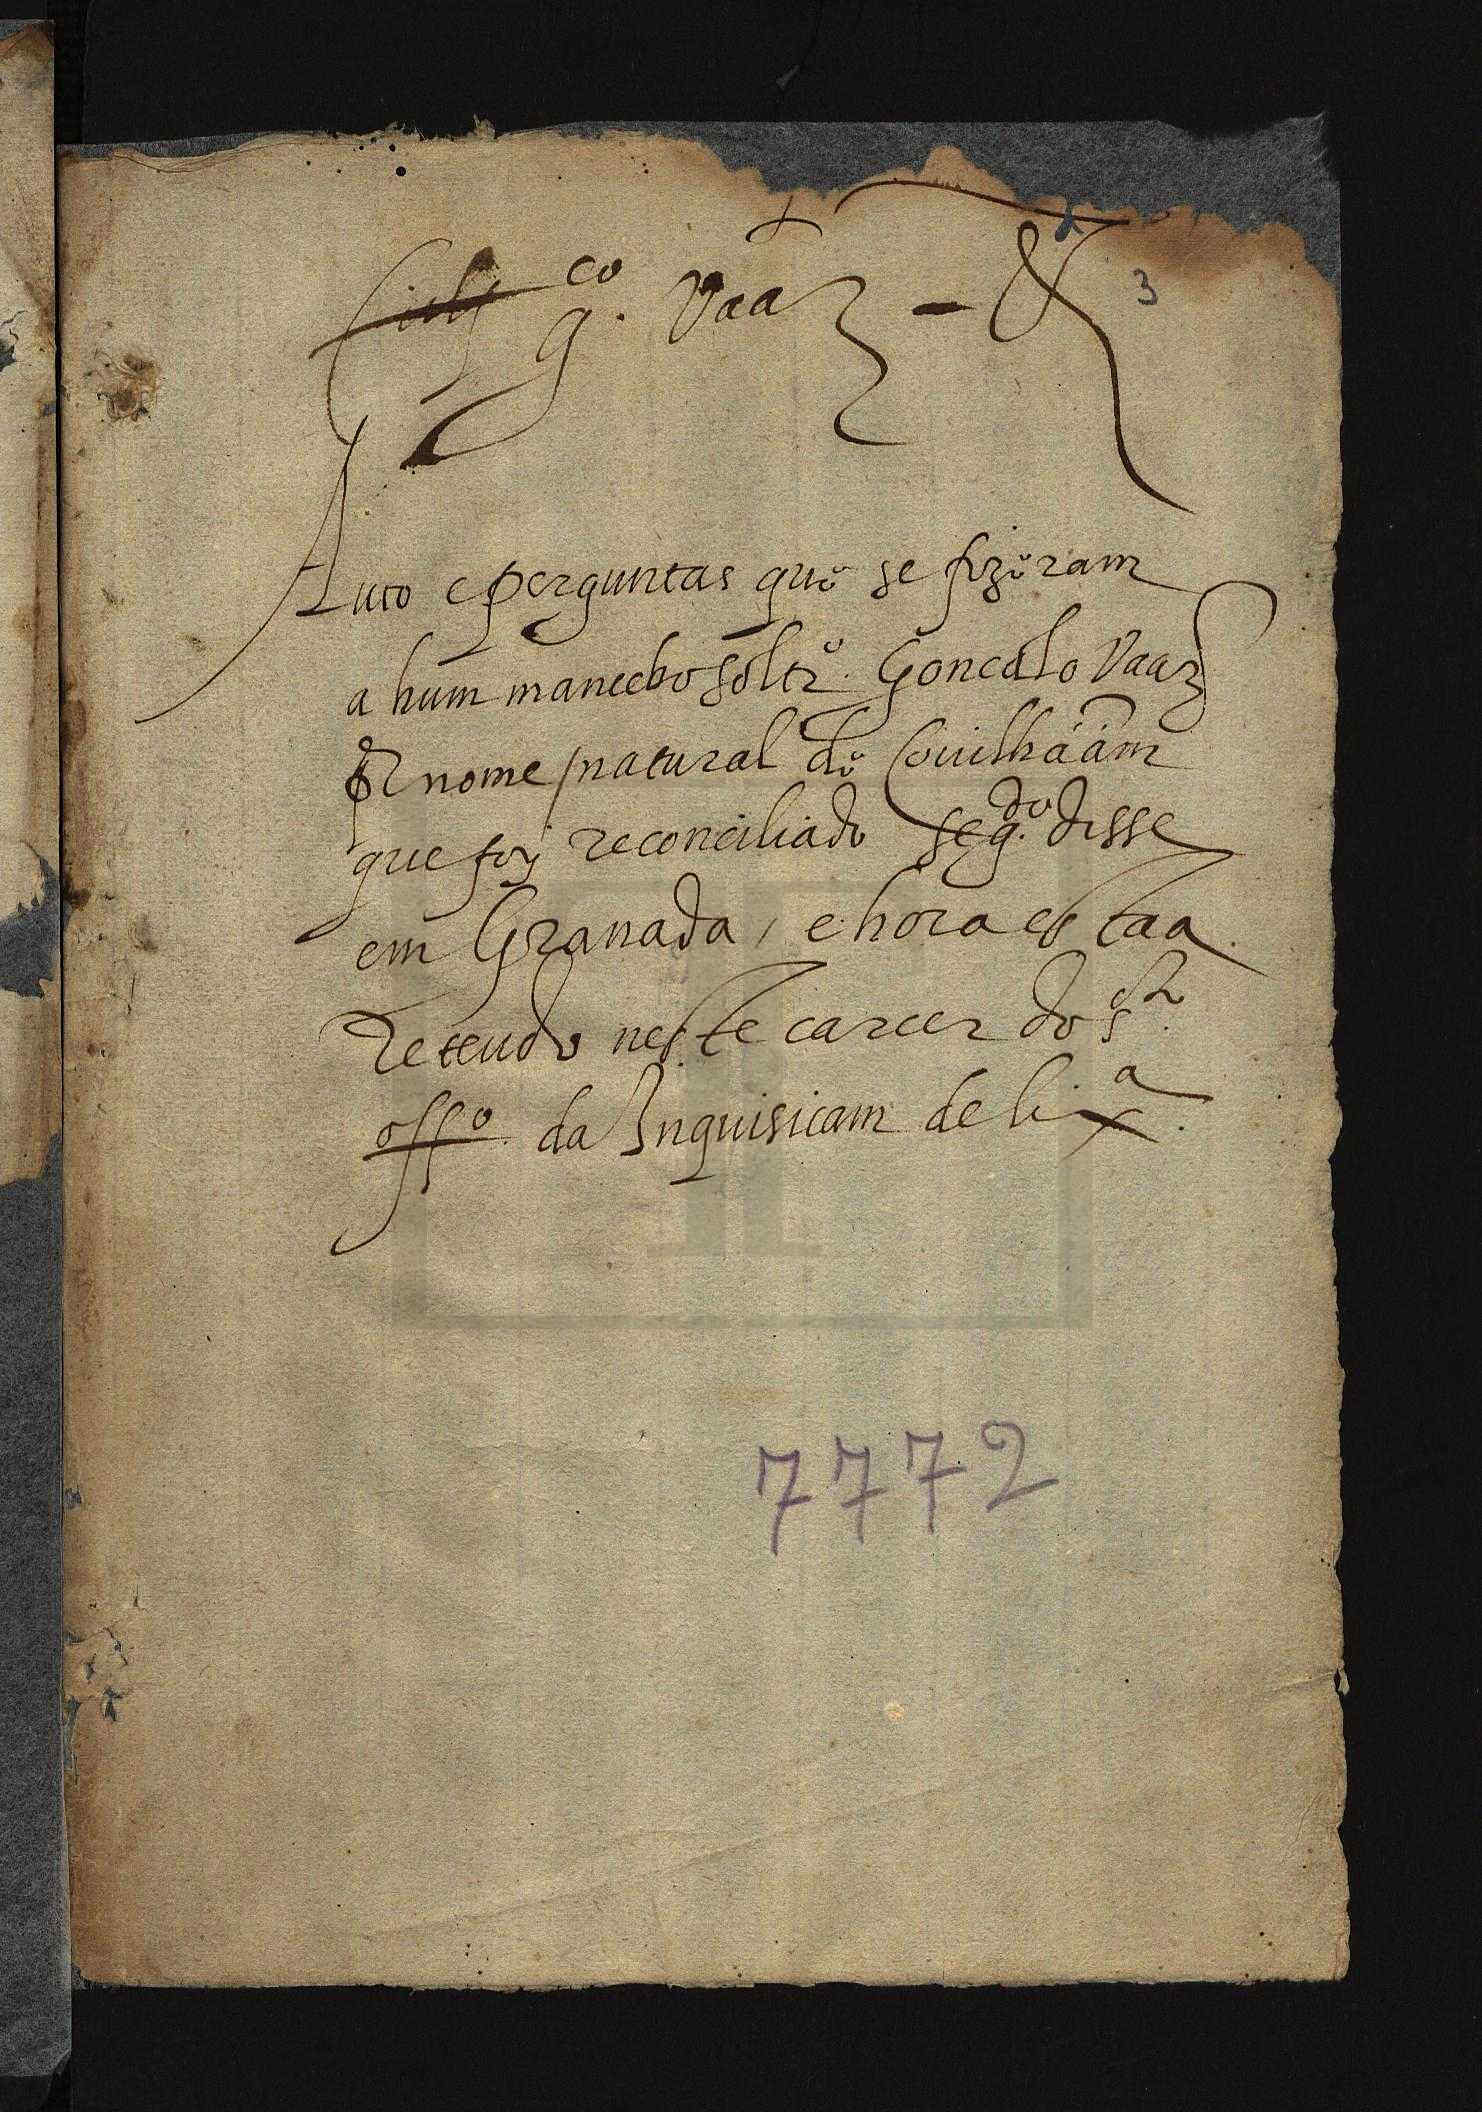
gco. vaaz
Auto e perguntas que se fizeram
a hum mancebo soltro Goncalo Vaaz̄
por nome natural de Couilhaãm
que foy reconciliado seg.do disse
em Granada, e hora estaa
Reteudo neste carcer do scto.
offo da Inquisiçam de lixa.
